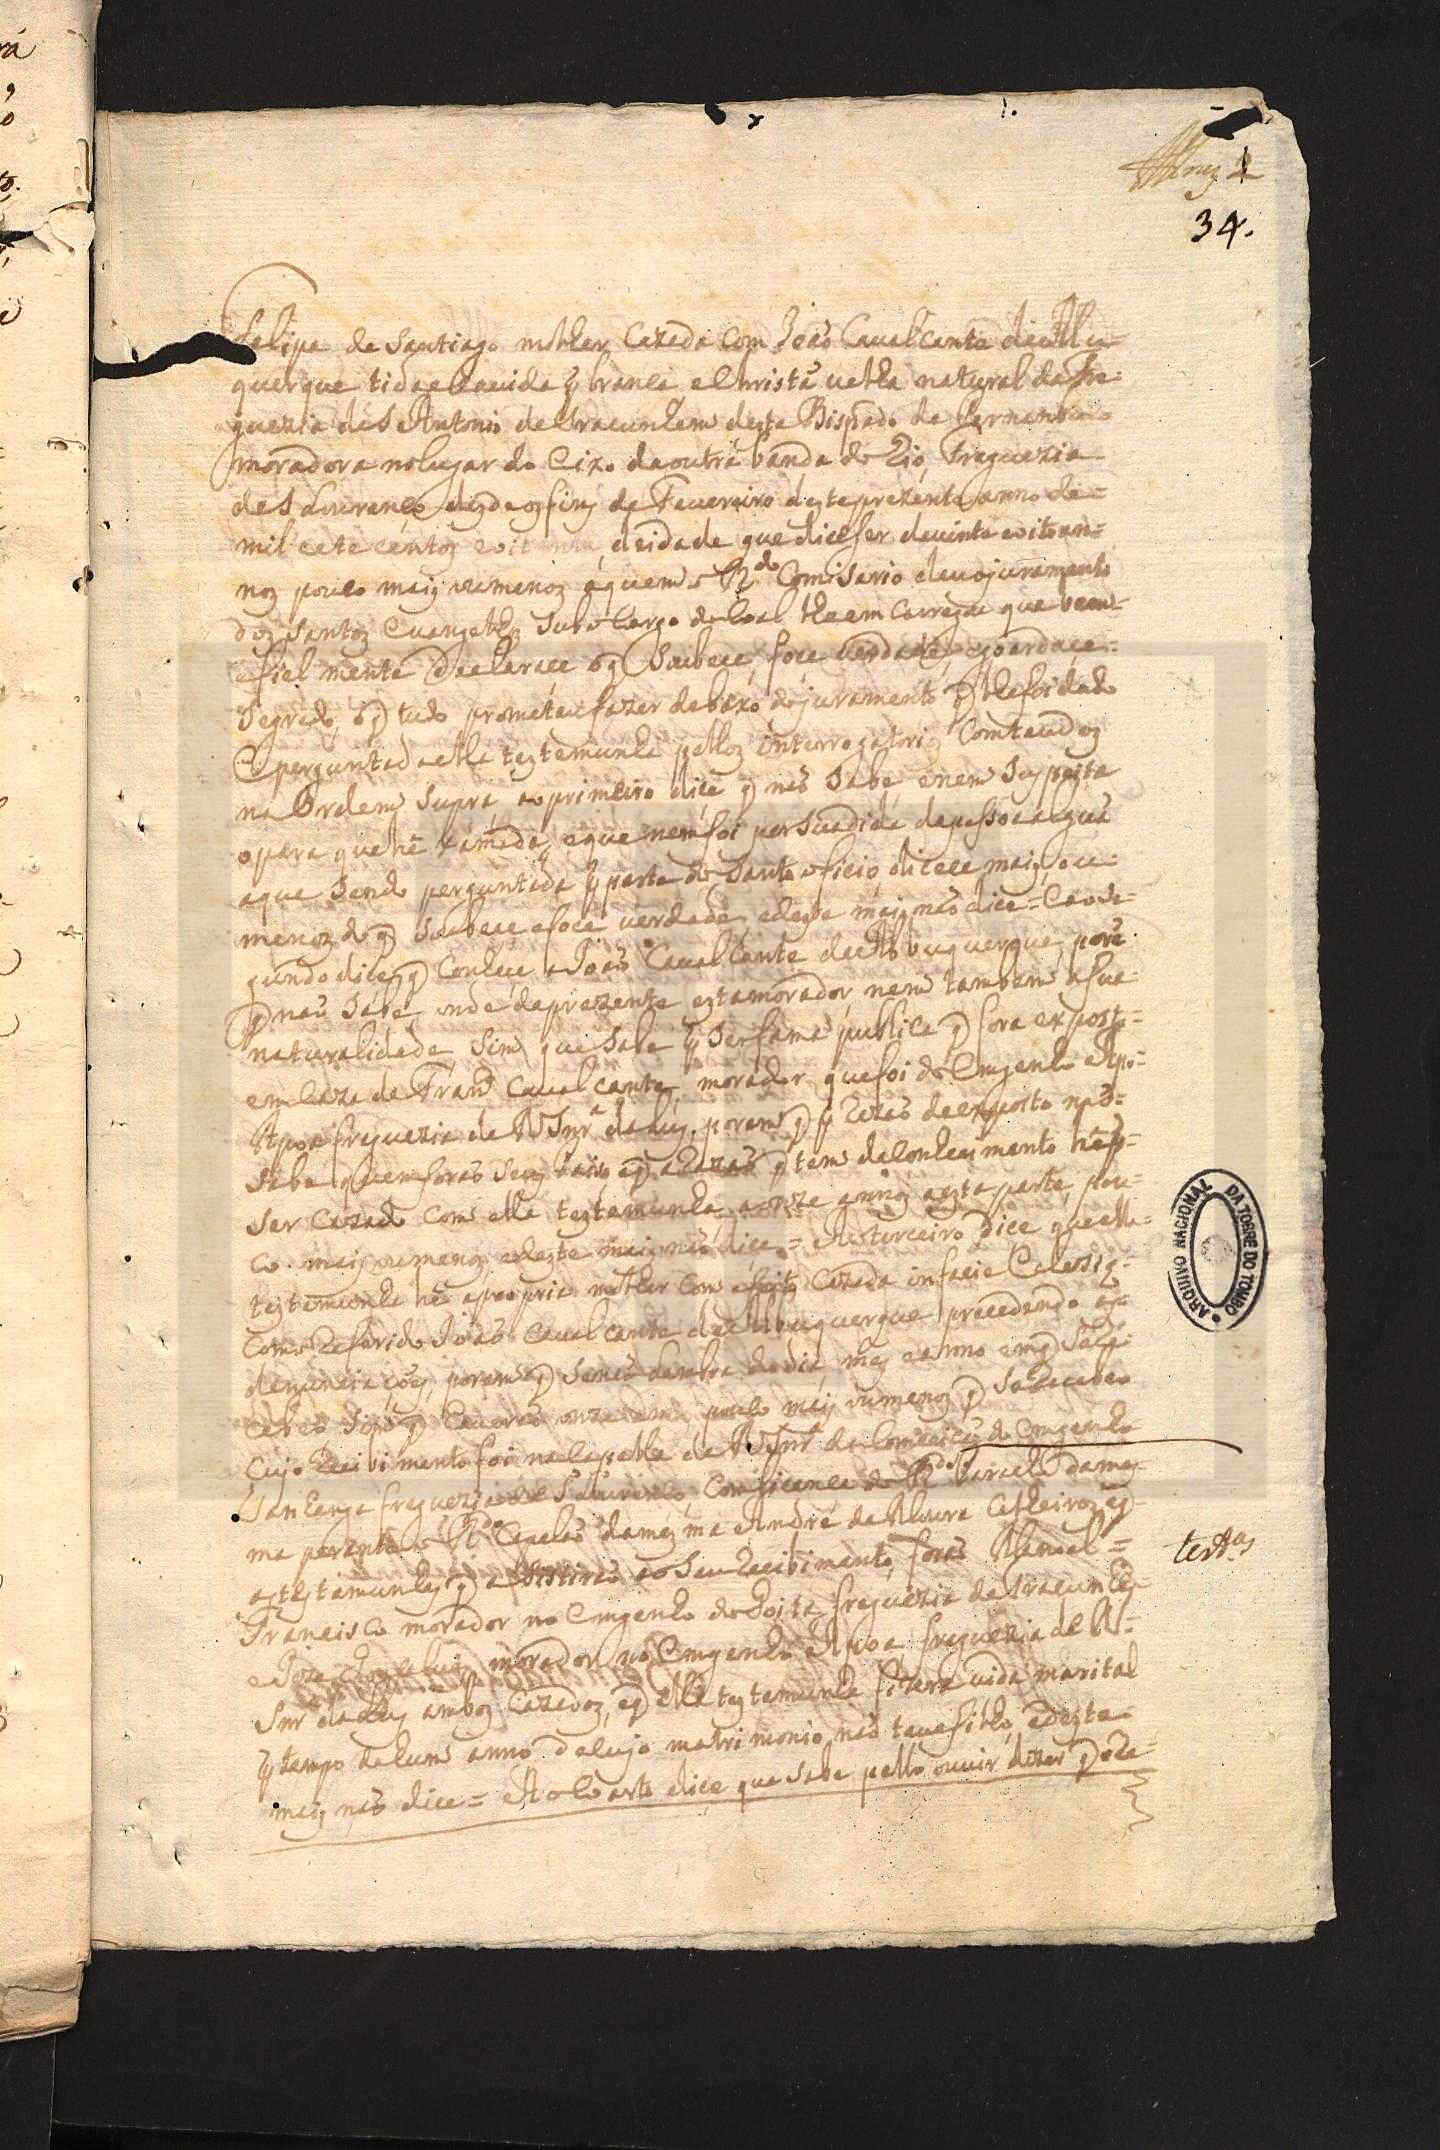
Felipa de Santiago molher cazada com Ioaõ Caualcanti de Alu
querque tida e hauida p̄ branca e Christã uelha natural de Fre
guezia de S Antonio de Tracunhem deste Bispado de Pernambuco
moradora no lugar do Eixo de outra banda do Rio, Freguezia
de S Lourenço dezde oz fins de Feuereiro dezte prezente anno de
mil setecentoz e oit_nta, de idade que dice ser de uinte e oito an
nos pouco mais ou menoz, a quem o R.do Comisario deu o juramento
dos Santoz Euangelhoz sub o Cargo do Coal lhe emCarregou que bem
e fielmente declaraçe o q̄ Soubece, foce uerdade, e goardace
Segredo, o q̄ tudo prometeu fazer debaxo do juramento q̄ lhe foi dado
E perguntada ella testemunha pellos interrogatorioz Comteudoz
na Ordem supra, ao primeiro dice q̄ naõ Sabe, e nem suspeita
o para que hé xamada, e que nam foi persuadida de pessoa alguā
a que sendo perguntada p̄ parte do Santo oficio dicece mais, ou
menoz do q̄ soubece e foce uerdade, e deste mais não dice = E ao se
gundo dice q̄ Conhece a Ioaõ CaualCante de Albuquerque porē
q̄ naõ sabe onde de prezente esta morador, nem tambem a sua
naturalidade, sim que sabe p̄ ser fama publica q̄ fora exposto
em caza de Fran.co Caualcante morador que foi do Emgenho Apo
Apoa freguezia de N Snr de Lus porem q̄ p̄ Rezaõ de exposto naõ
sabe quem foraõ seus pais, e q̄ a Rezaõ q̄ tem de conhecimento não
ser cazado com elle teztemunha a onze annoz a esta parte, pou
co. mais ou menoz, e dezte mais naõ dice= Ao terceiro dice que ella
testemunha hé a propria mulher Com efeito Cazada infacie Ecleziæ
Com o Referido Ioaõ Caualcante de Albuquerque precedendo as
denunciações, porem q̄ se naõ Lembra do dia, mes, e anno em q̄ se Re
cebeo sim q̄ haueraõ onze an_ pouco mais ou menoz q̄ se Recebeo
cujo Recibimento foi na Capella da N Snr.a da Comceiçaõ do Engenho
Tanhenga freguezia de S Lourenço, Com licença do R.do Parocho da mes
ma perzente o R.do Capelaõ da mezma Andre da Moura Calheiroz as
test.as
as testemunhas q̄ asistiraõ ao Seu Recibimento, foraõ Manoel
Francisco morador no emgenho do Poita, freguezia de Tracunha
e Ioze Iouce luiz morador no Emgenho Apoa freguezia de N.
Snr da Lus amboz Cazados, e q̄ ella testemunha fizera uida marital
p̄ tempo de hum anno de cujo matrimonio naõ teue filho, e deste
mais naõ dice- Ao Coarto dice que sabe pello ouuir dizar q̄ o Re
